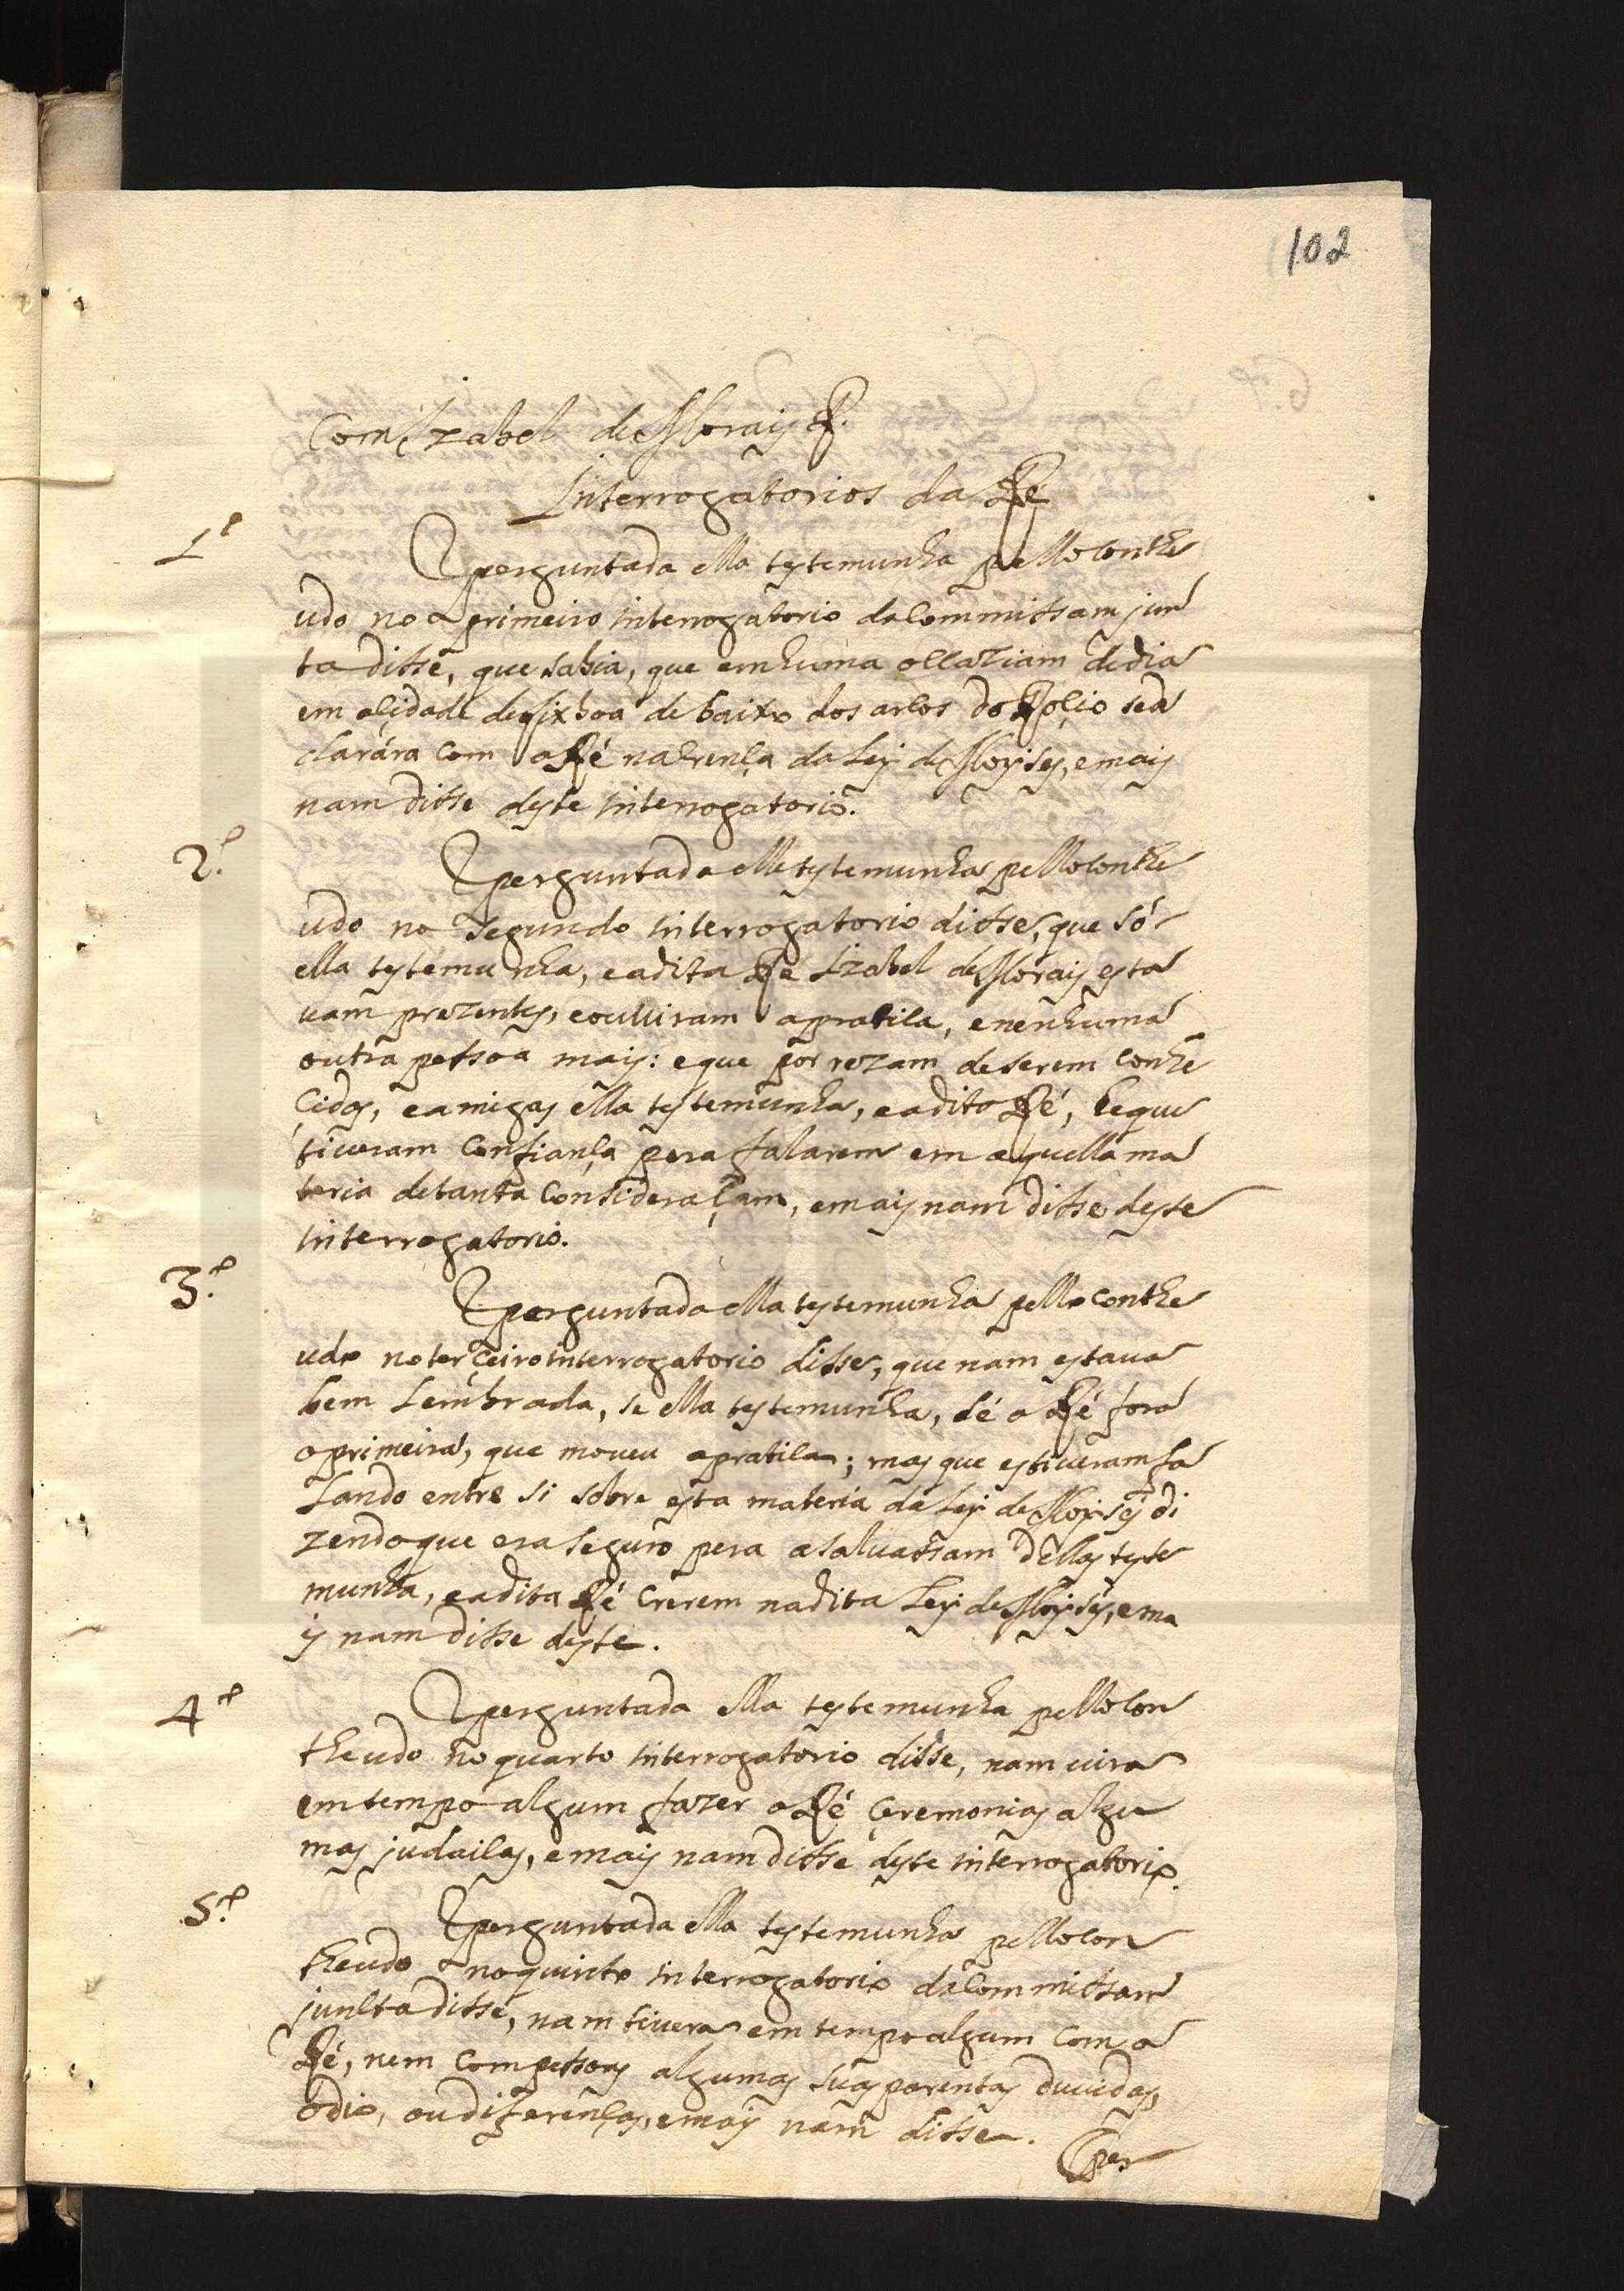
com Izabel de Morais R.
Interrogatorios da Ré
E perguntada ella testemunha pello conthe
udo no primeiro interrogatorio da Commissam jum
ta disse, que sabia, que em huma occaziam de dia
em a Cidade de Lixboa, debaixo dos arcos do Rocio se de
clarára com a Ré na crença da Ley de Moyses, e mais
nam disse deste interrogatorio.
E perguntada ella testemunha pello conthe
udo no segundo interrogatorio disse, que só
ella testemunha, e a dita Re Izabel de Morais esta
uam prezentes, e ouuiram a pratica, e nenhuma
outra pessoa mais: e que por rezam de serem conhe
cidas, e amigas ella testemunha, e a dita Ré, he que
tiueram confiança pera falarem em aquella ma
teria de tanta consideraÇam, e mais nam disse deste
interrogatorio.
E perguntada ella testemunha pello conthe
udo no terceiro interrogatorio disse, que nam estaua
bem lembrada, se ella testemunha, sé a Ré fora
a primeira, que moueo a pratica; mas que estiueram fa
lando entre si sobre esta materia da Ley de Moyses di
zendo que era seguro pera a saluassam dellas teste
munha, e a dita Ré crerem na dita Ley de Moyses, e ma
is nam disse deste.
E perguntada ella testemunha pello con
theudo no quarto interrogatorio disse, nam uira
em tempo algum fazer a Ré ceremonias algu
mas judaiCas, e mais nam disse desse interrogatorio
E perguntada ella testemunha pello con
theudo no quinto interrogatorio de commissam
junCta disse, nem tiuera em tempo algum com a
Ré, nem com pessoas algumas suas parentas duuidas,
odio, ou diferenças, e mais nam disse.
